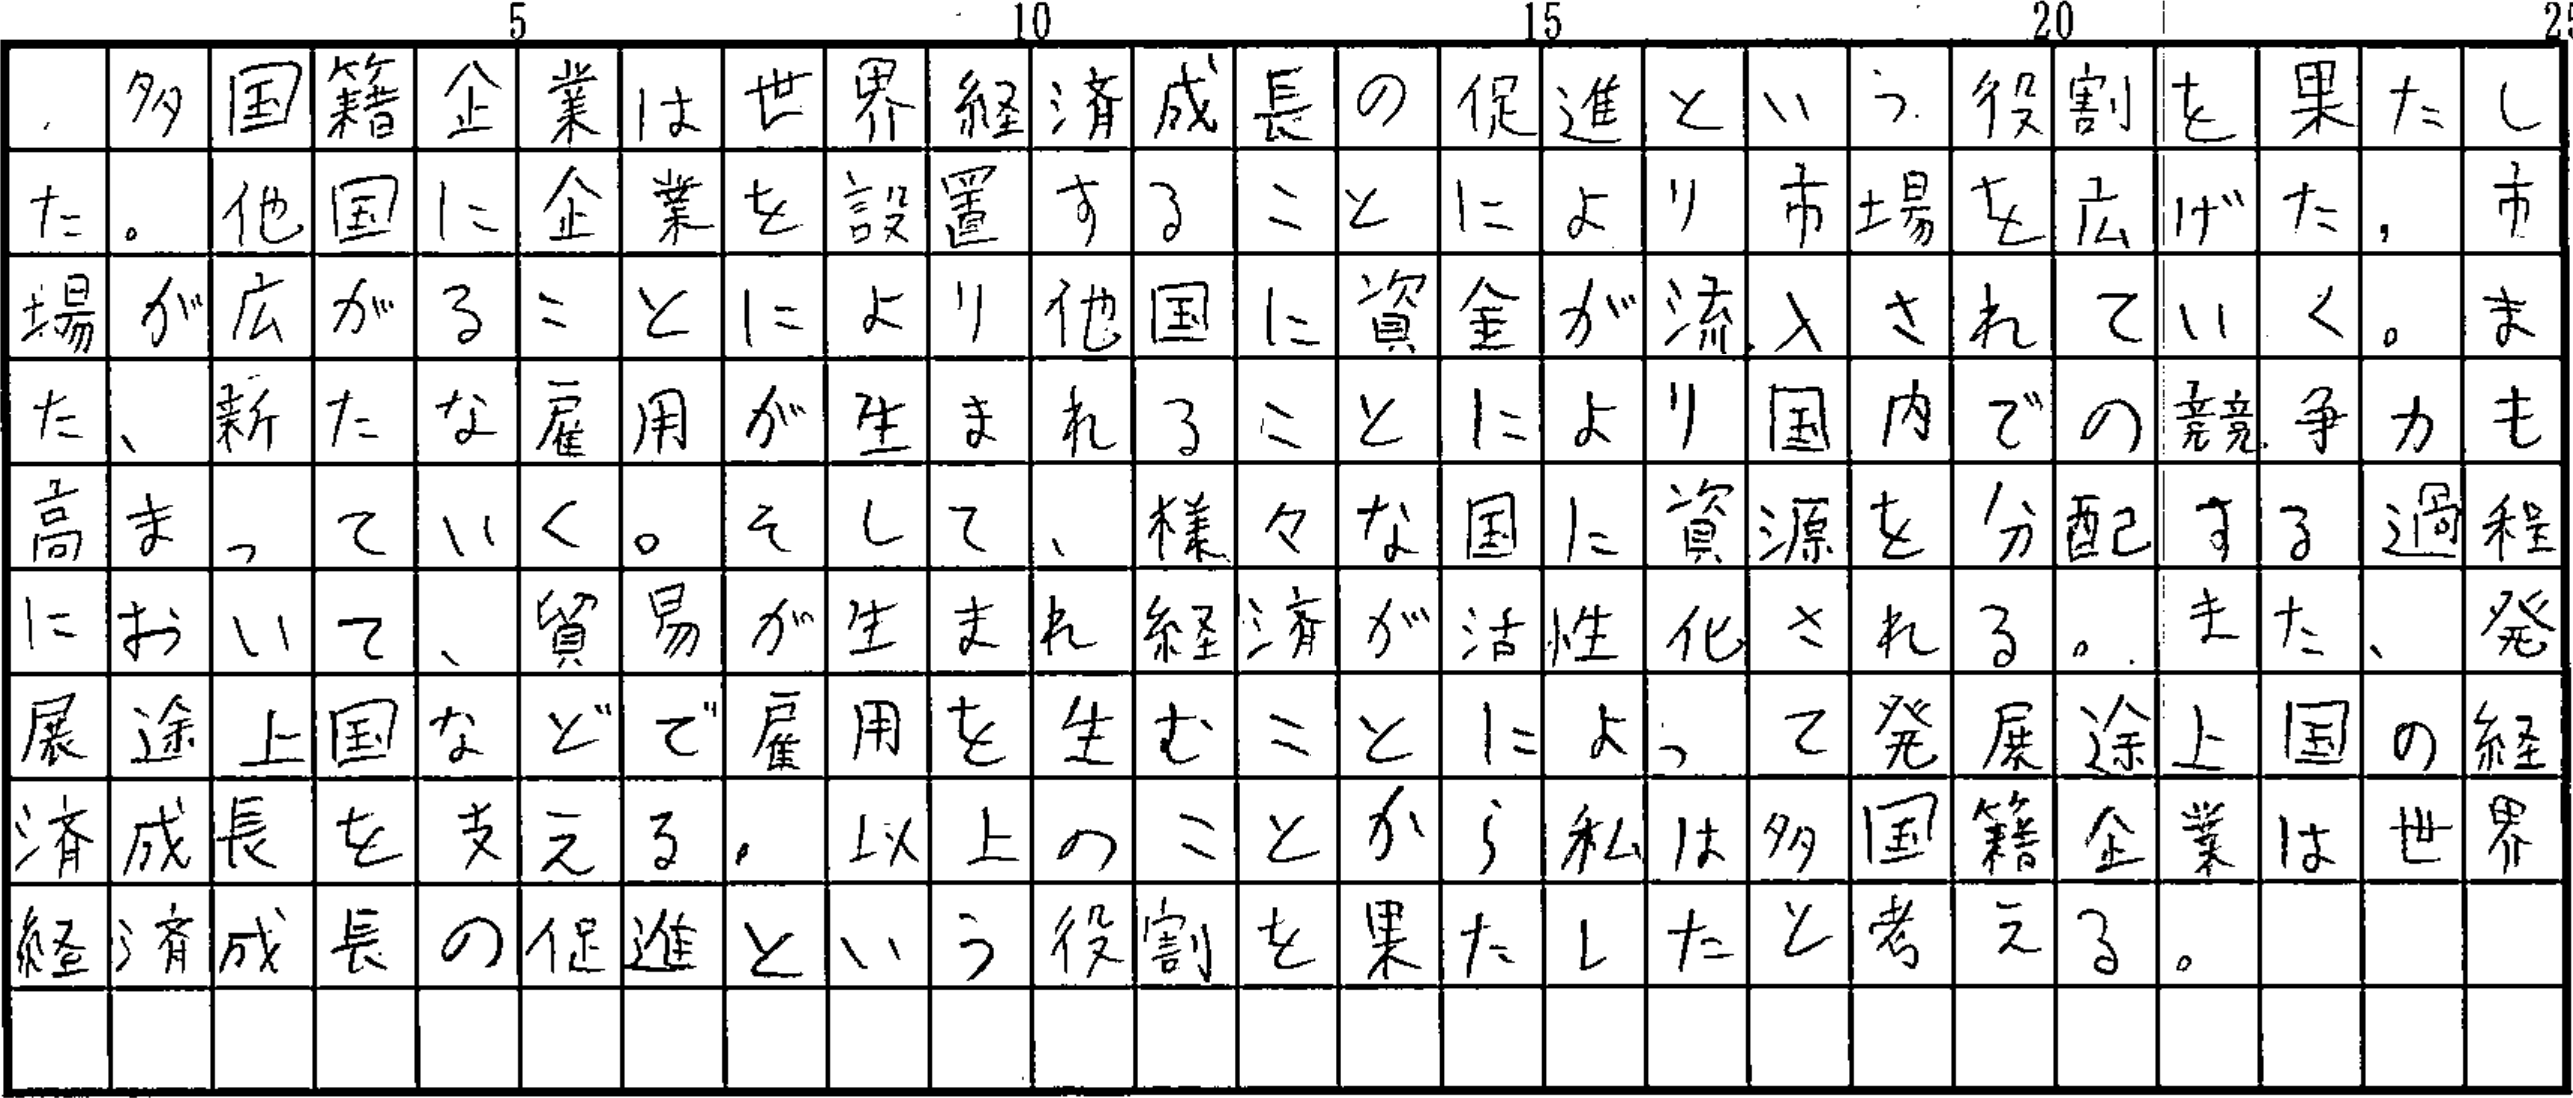　多国籍企業は世界経済成長の促進という役割を果たした。他国に企業を設置することにより市場を広げた。市場が広がることにより他国に資金が流入されていく。また、新たな雇用が生まれることにより国内での競争力も高まっていく。そして、様々な国に資源を分配する過程において、貿易が生まれ経済が活性化される。また、発▁途上国などで雇用を生むことによって発▁途上国の経済成長を支える。以上のことから私は多国籍企業は世界経済成長の促進という役割を果たしたと考える。
